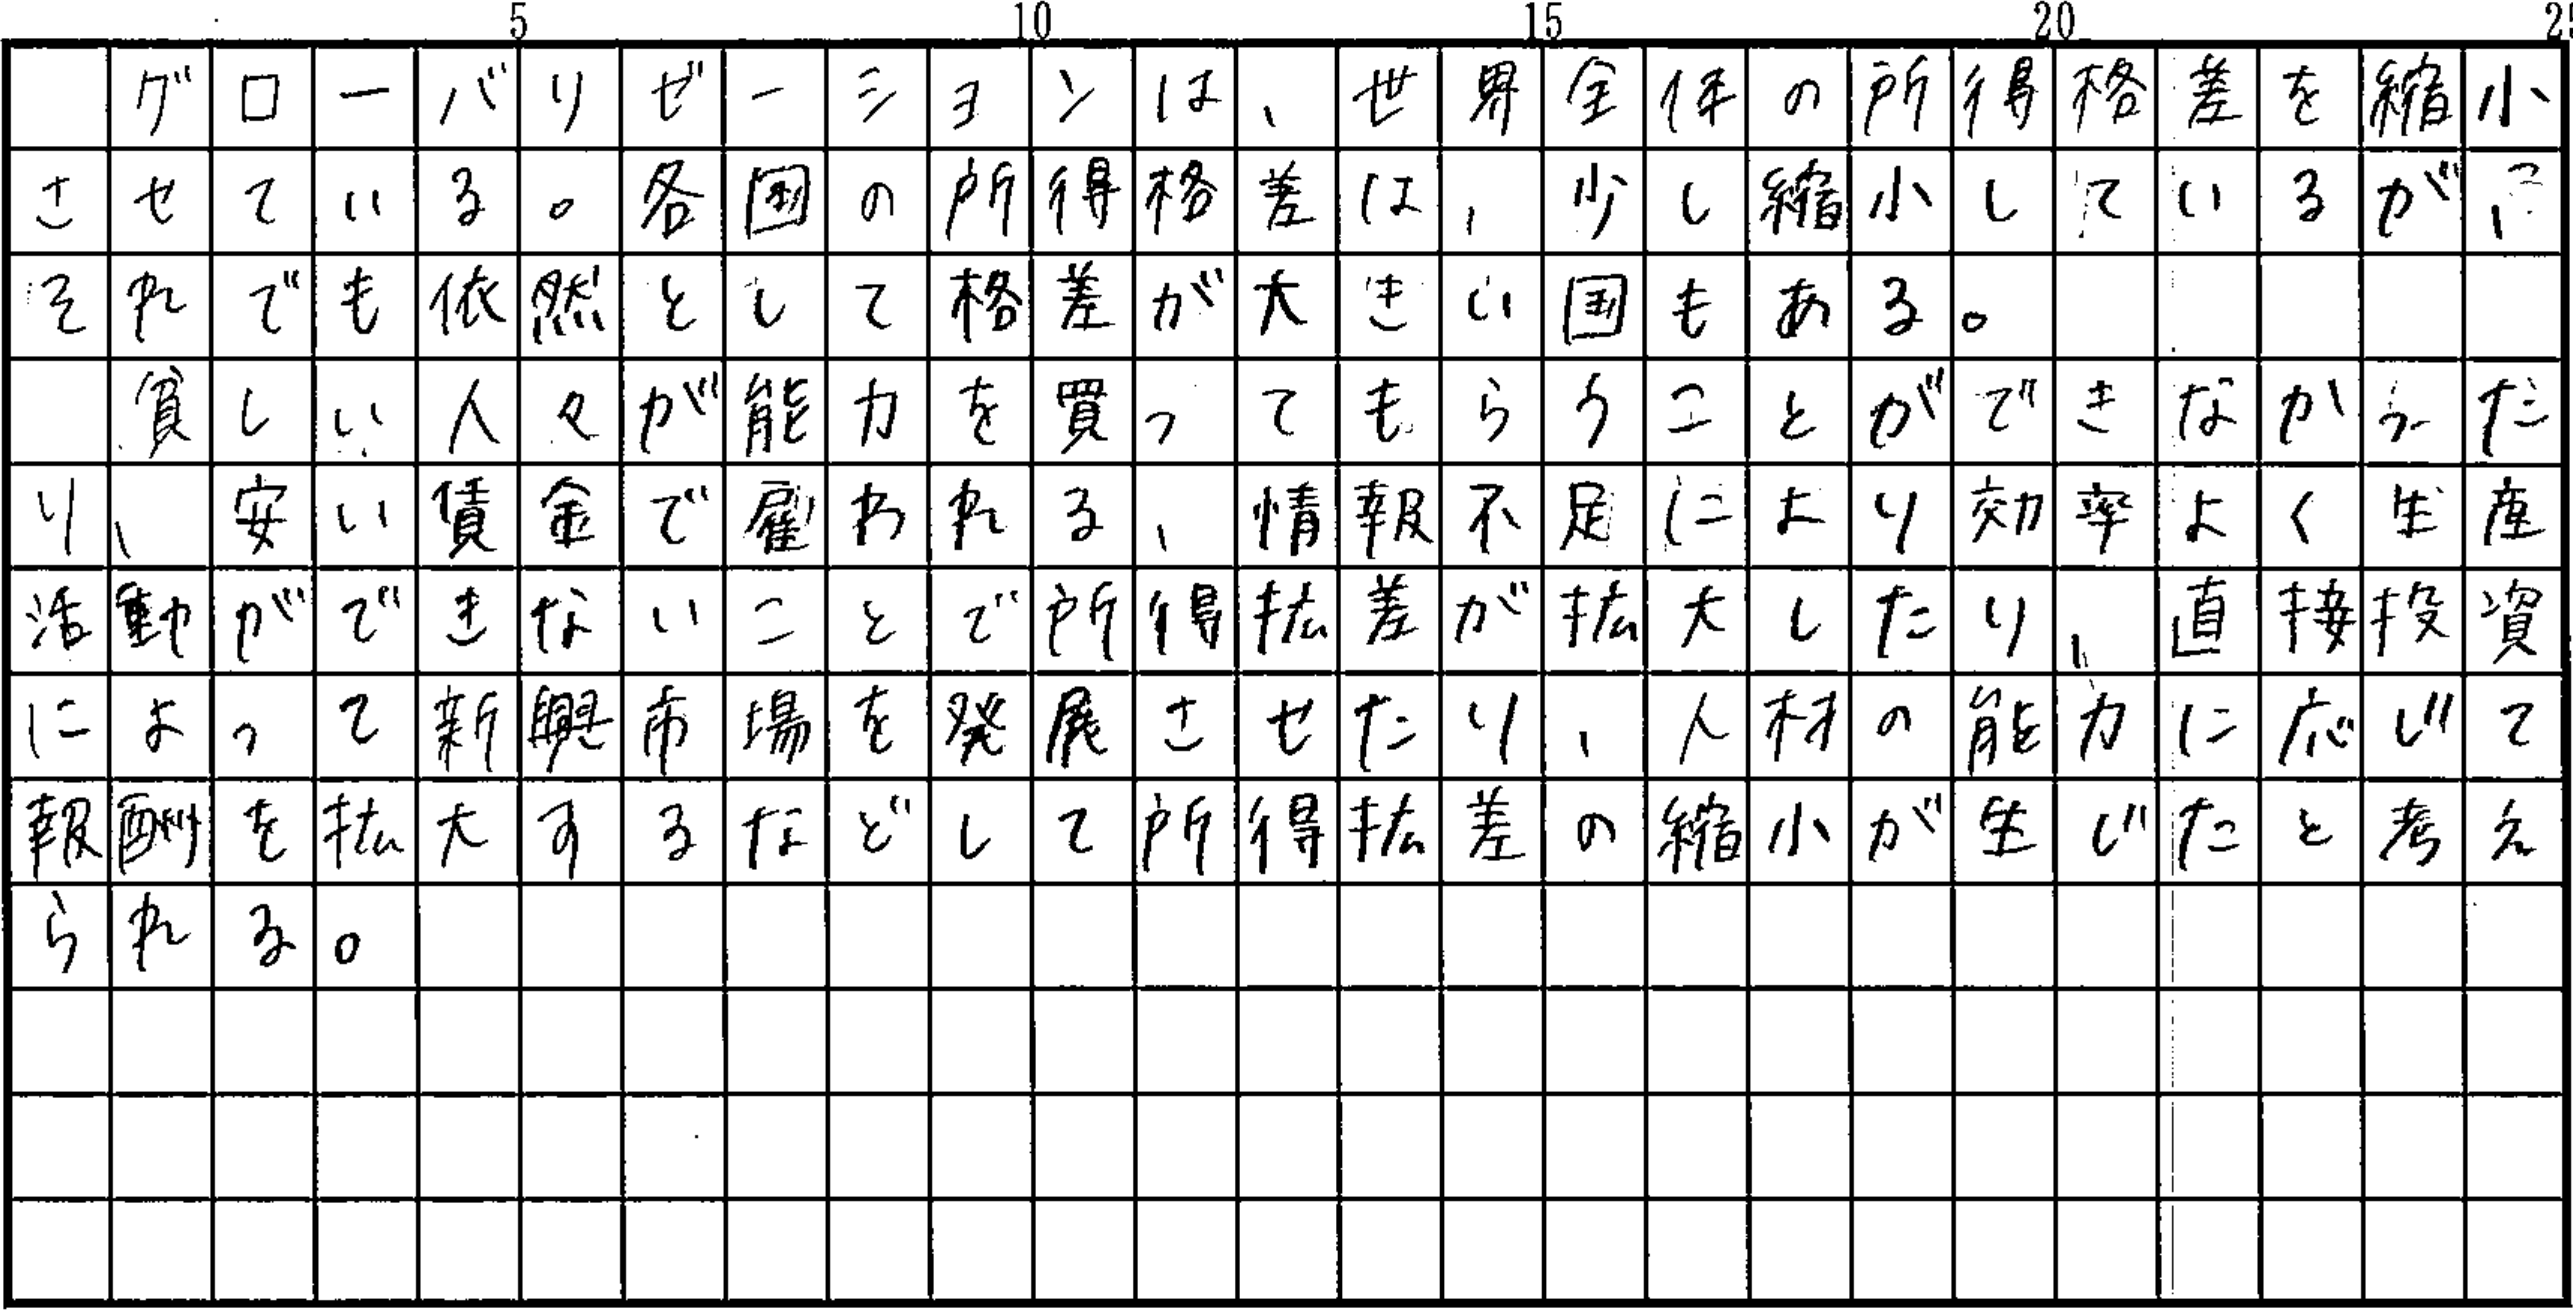　グローバリゼーションは、世界全体の所得格差を縮小させている。各国の所得格差は、少し縮小しているが、それでも依然として格差が大きい国もある。
　貧しい人々が能力を買ってもらうことができなかったり、安い賃金で雇われる、情報不足により効率よく生産活動ができないことで所得拡差が拡大したり、直接投資によって新興市場を発展させたり、人材の能力に応じて報酬を拡大するなどして所得拡差の縮小が生じたと考えられる。
